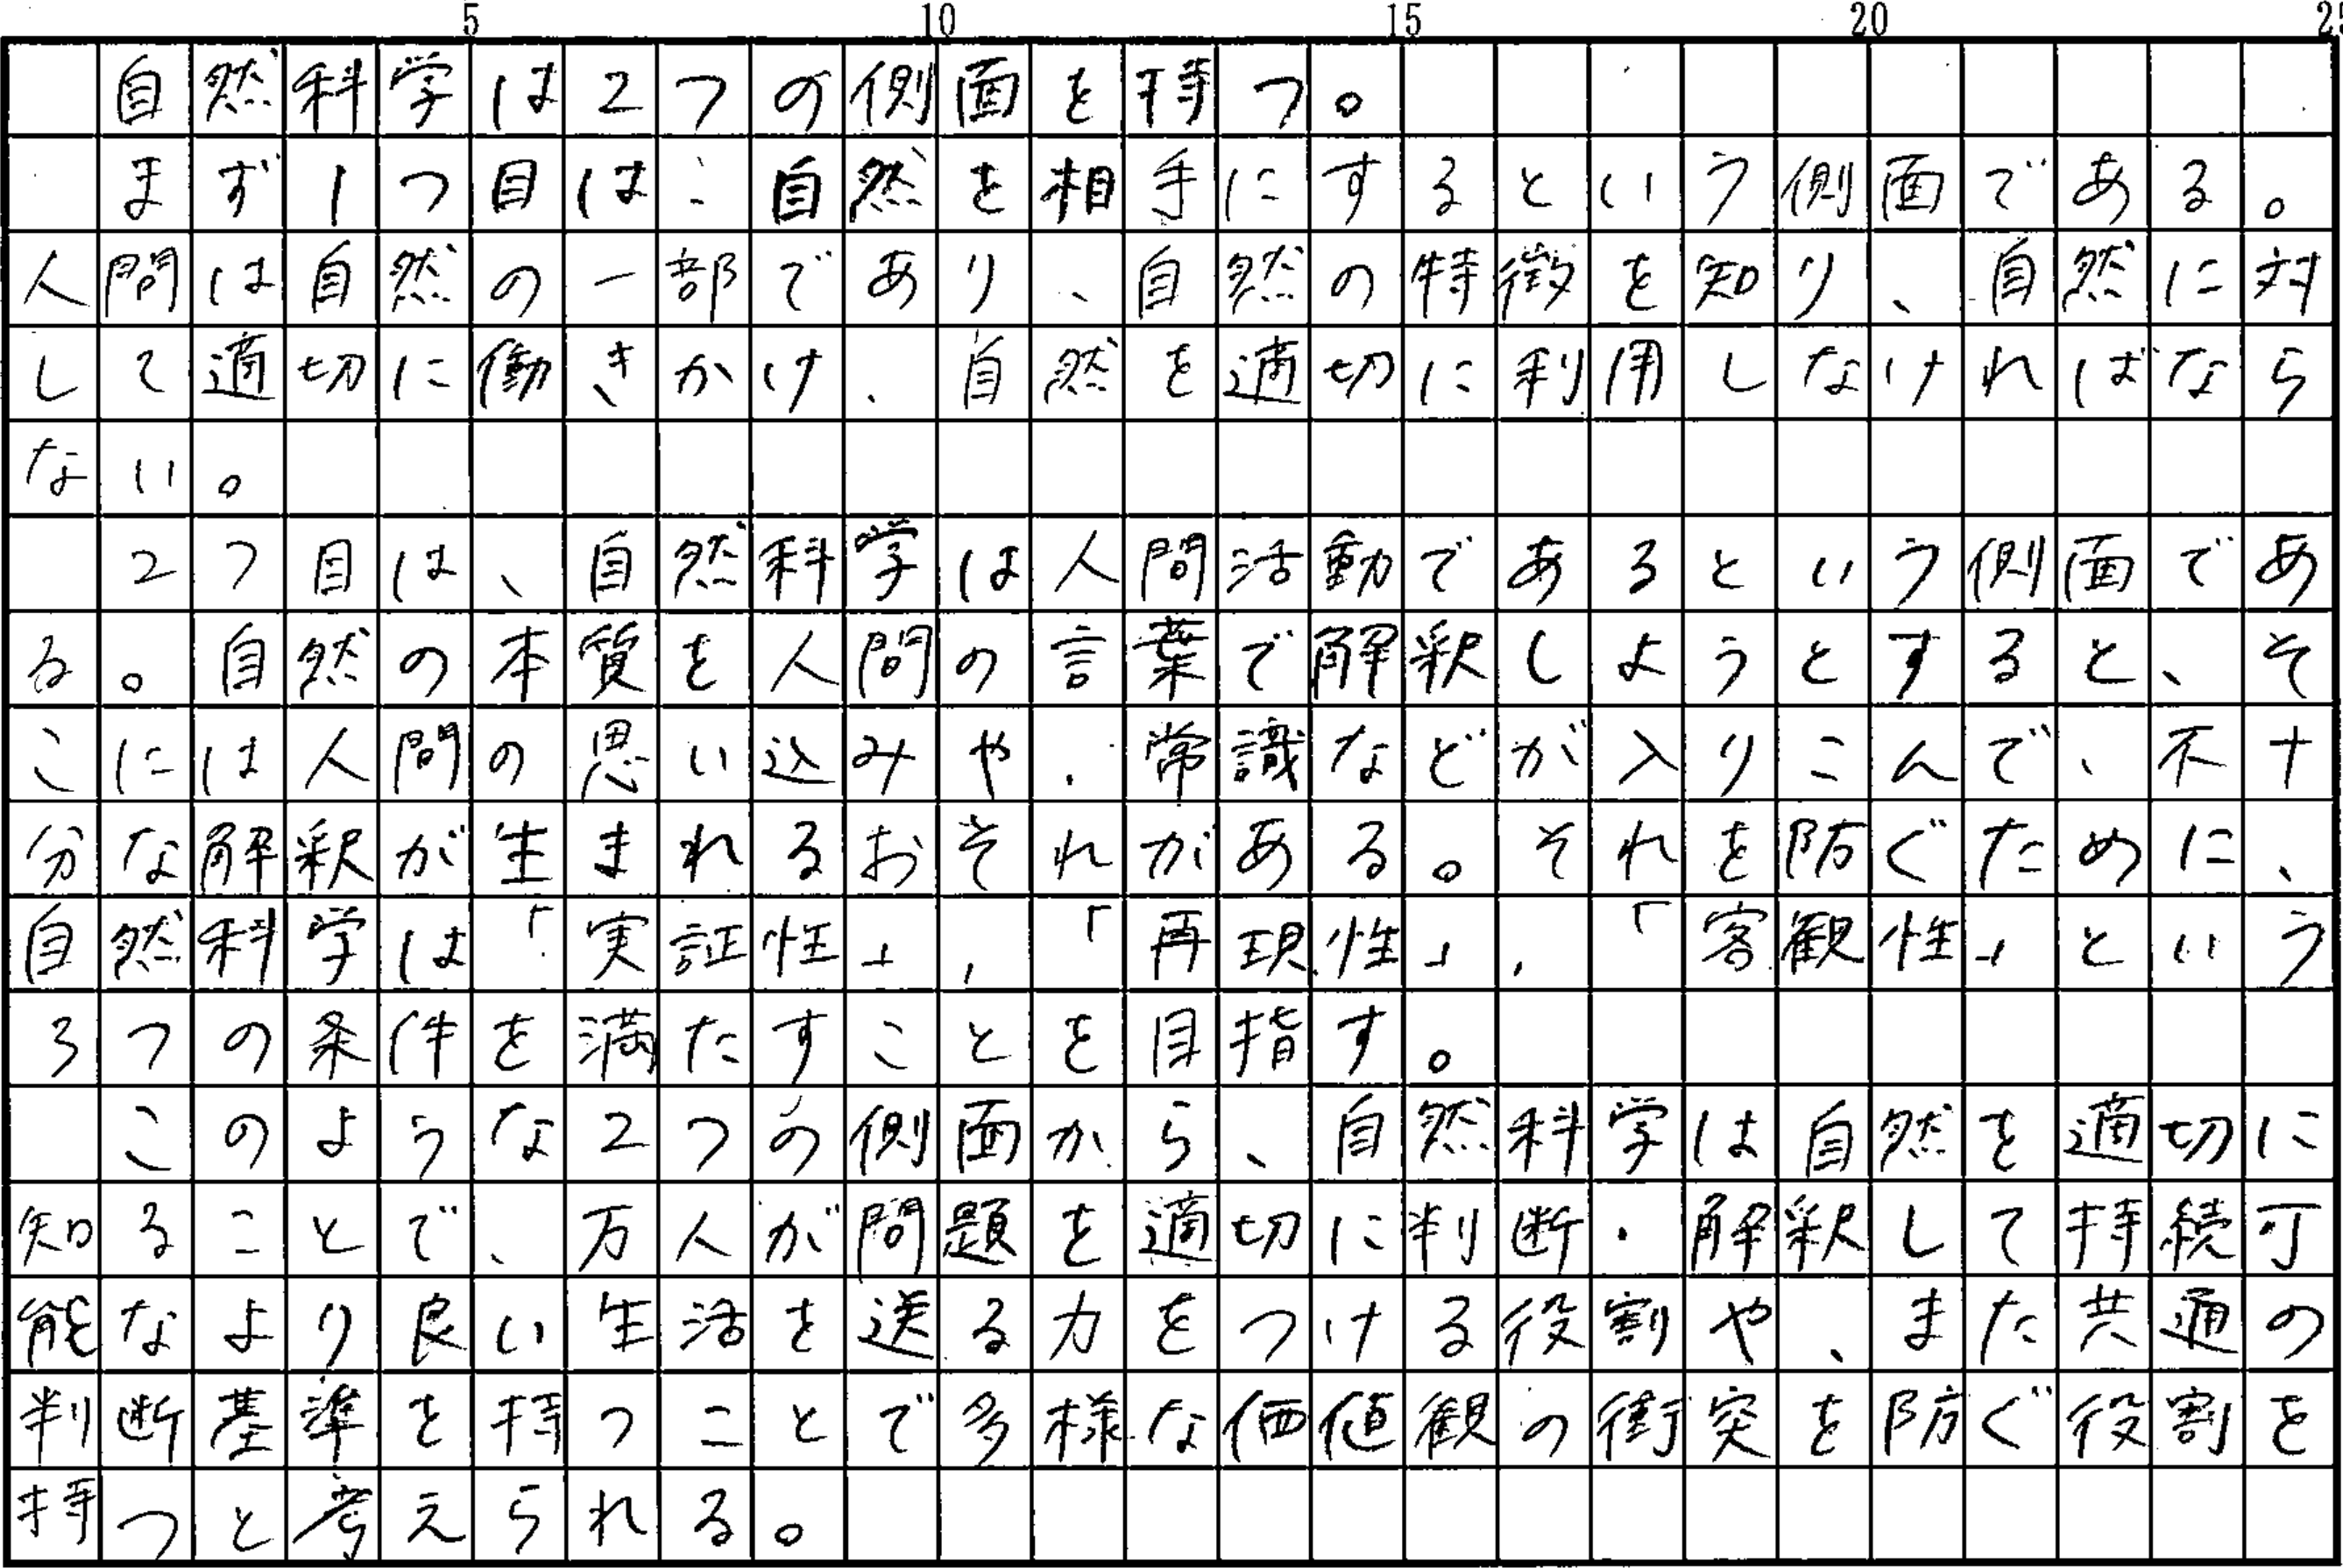　自然科学は２つの側面を持つ。
　まず１つ目は、自然を相手にするという側面である。人間は自然の一部であり、自然の特徴を知り、自然に対して適切に働きかけ、自然を適切に利用しなければならない。
　２つ目は、自然科学は人間活動であるという側面である。自然の本質を人間の言葉で解釈しようとすると、そこには人間の思い込みや、常識などが入り込んで、不十分な解釈が生まれるおそれがある。それを防ぐために、自然科学は「実証性」、「再現性」、「客観性」という３つの条件を満たすことを目指す。
　このような２つの側面から、自然科学は自然を適切に知ることで、万人が問題を適切に判断・解釈して持続可能なより良い生活を送る力をつける役割や、また共通の判断基準を持つことで多様な価値観の衝突を防ぐ役割を持つと考えられる。
